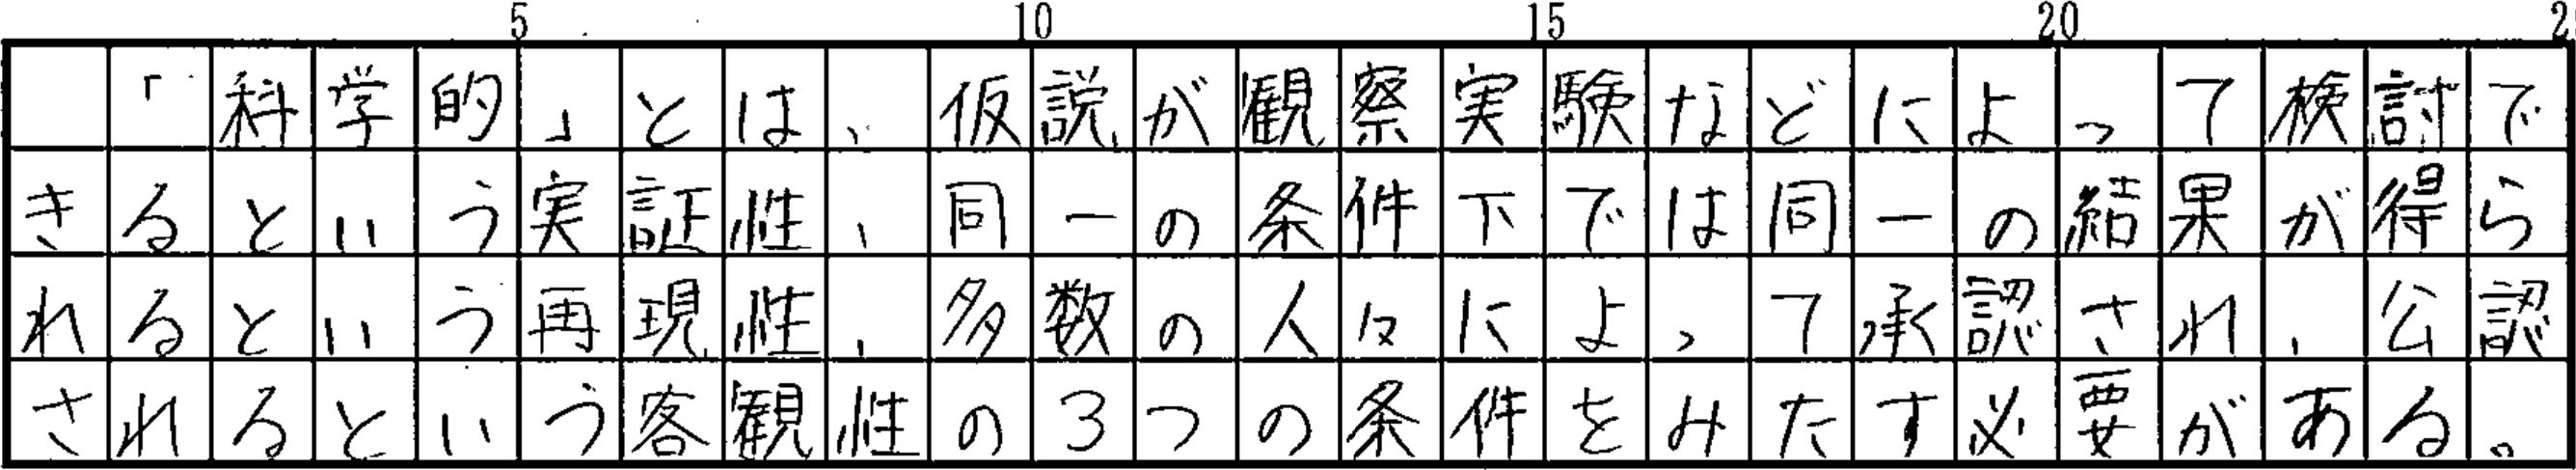　「科学的」とは、仮説が観察実験などによって検討できるという実証性、同一の条件下では同一の結果が得られるという再現性、多数の人々によって承認され、公認されるという客観性の３つの条件をみたす必要がある。
